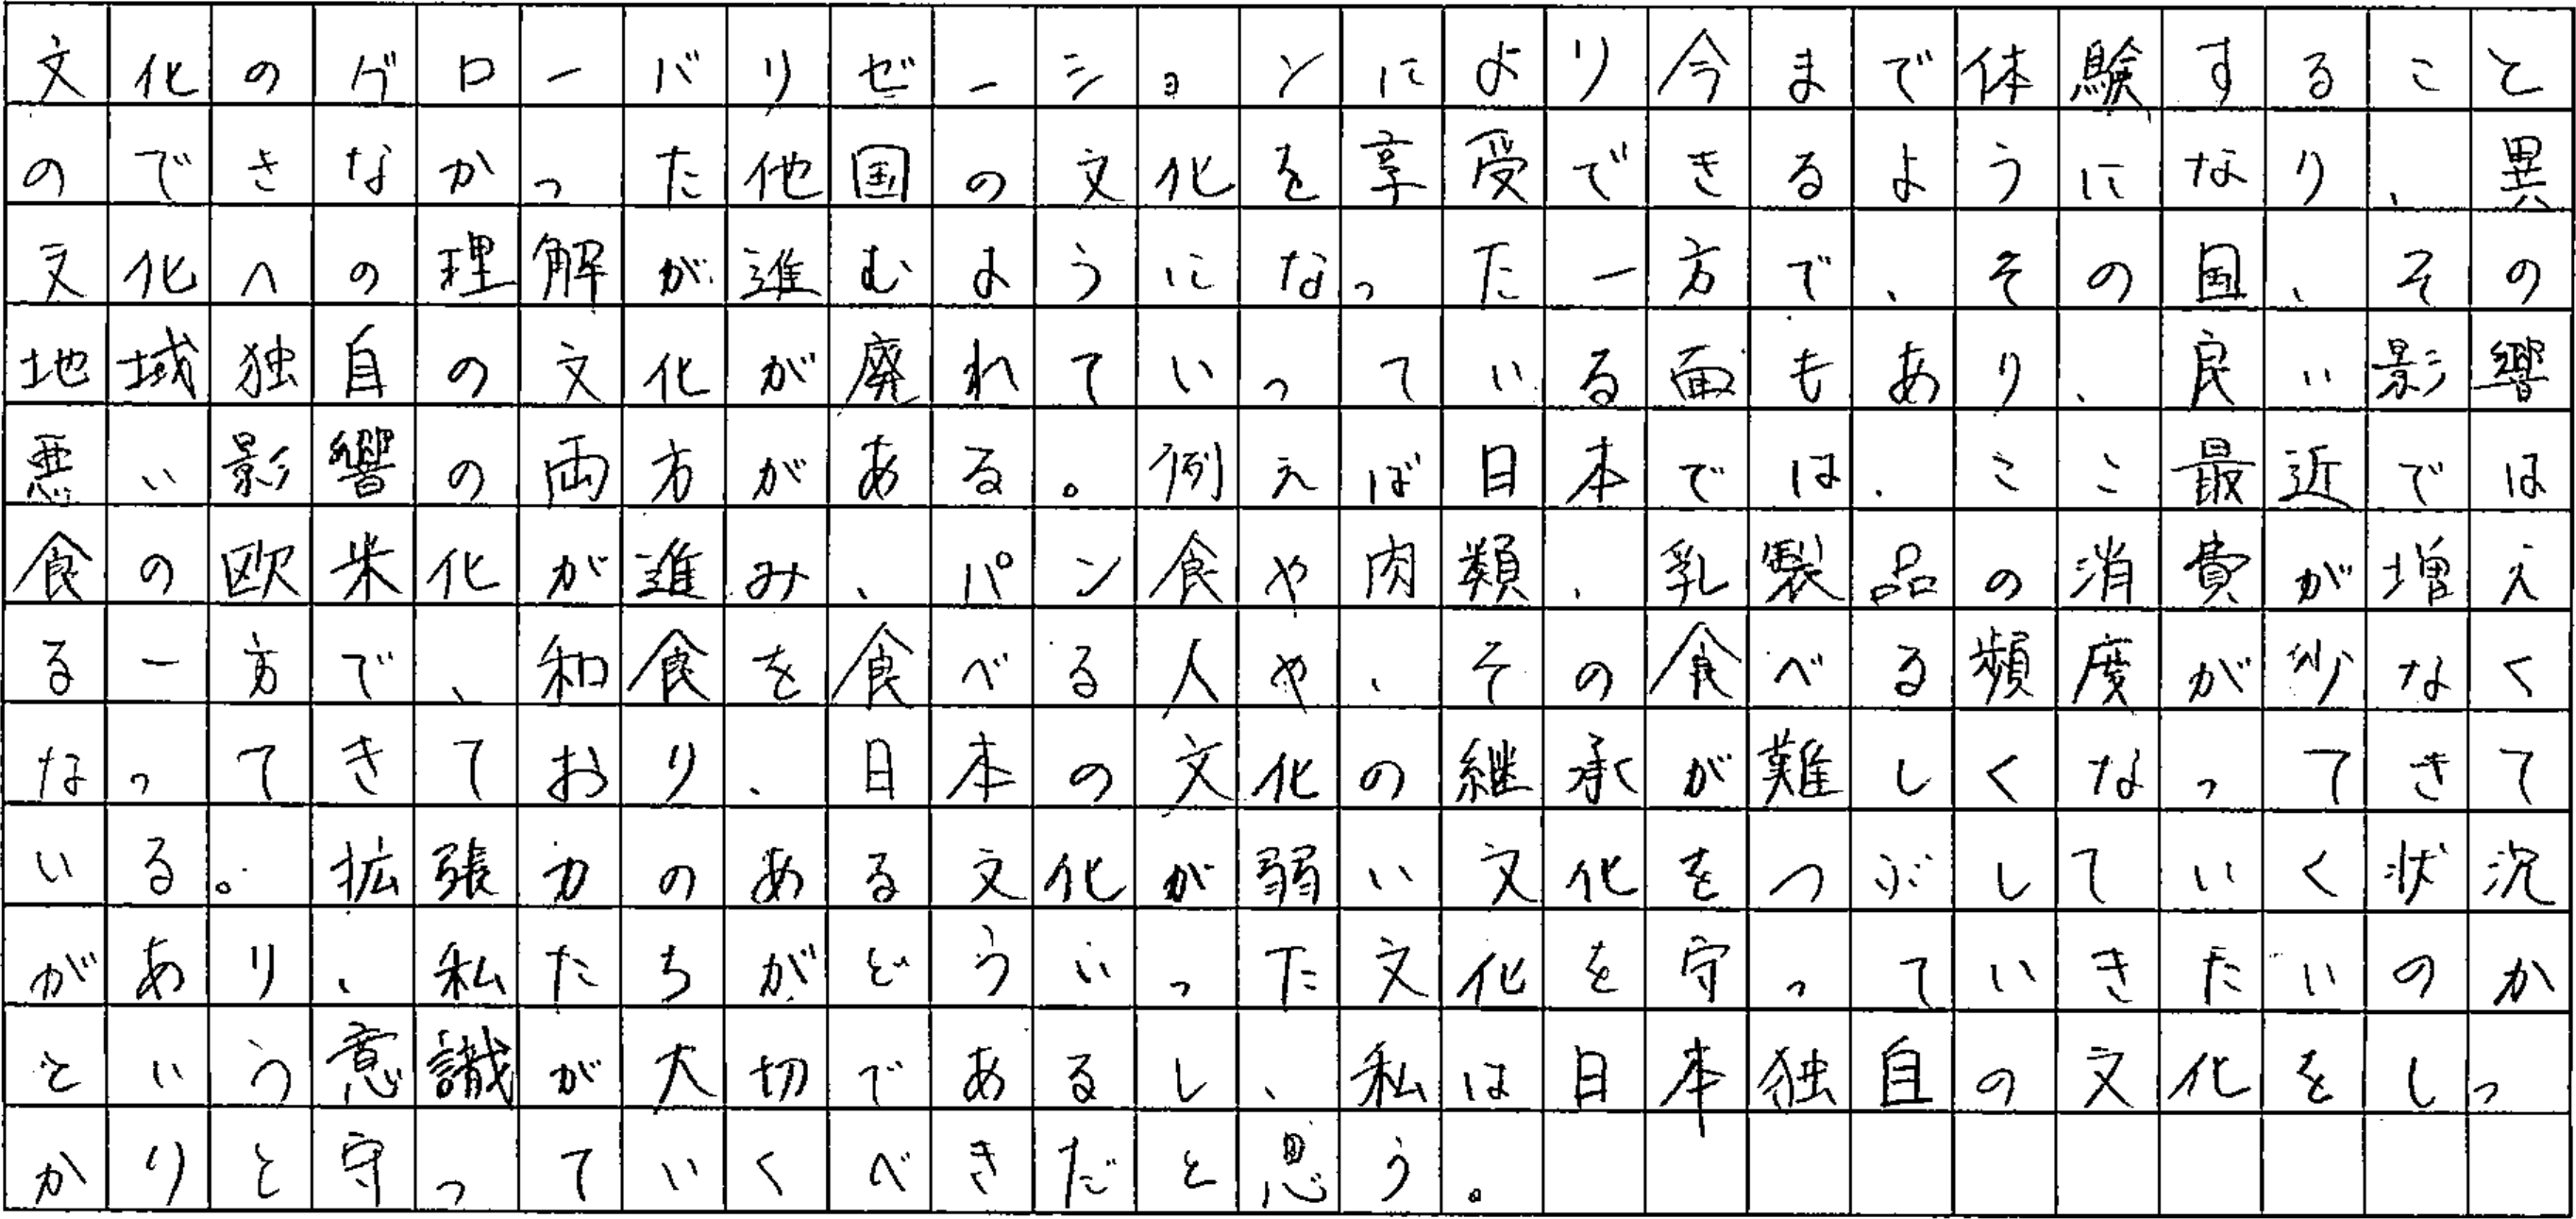文化のグローバリゼーションにより今まで体験することのできなかった他国の文化を享受できるようになり、異文化への理解が進むようになった一方で、その国、その地域独自の文化が廃れていっている面もあり、良い影響悪い影響の両方がある。例えば日本では、ここ最近では食の欧米化が進み、パン食や肉類、乳製品の消費が増える一方で、和食を食べる人や、その食べる頻度が少なくなってきており、日本の文化の継承が難しくなってきている。拡張力のある文化が弱い文化をつぶしていく状況があり、私たちがどういった文化を守っていきたいのかという意識が大切であるし、私は日本独自の文化をしっかりと守っていくべきだと思う。
